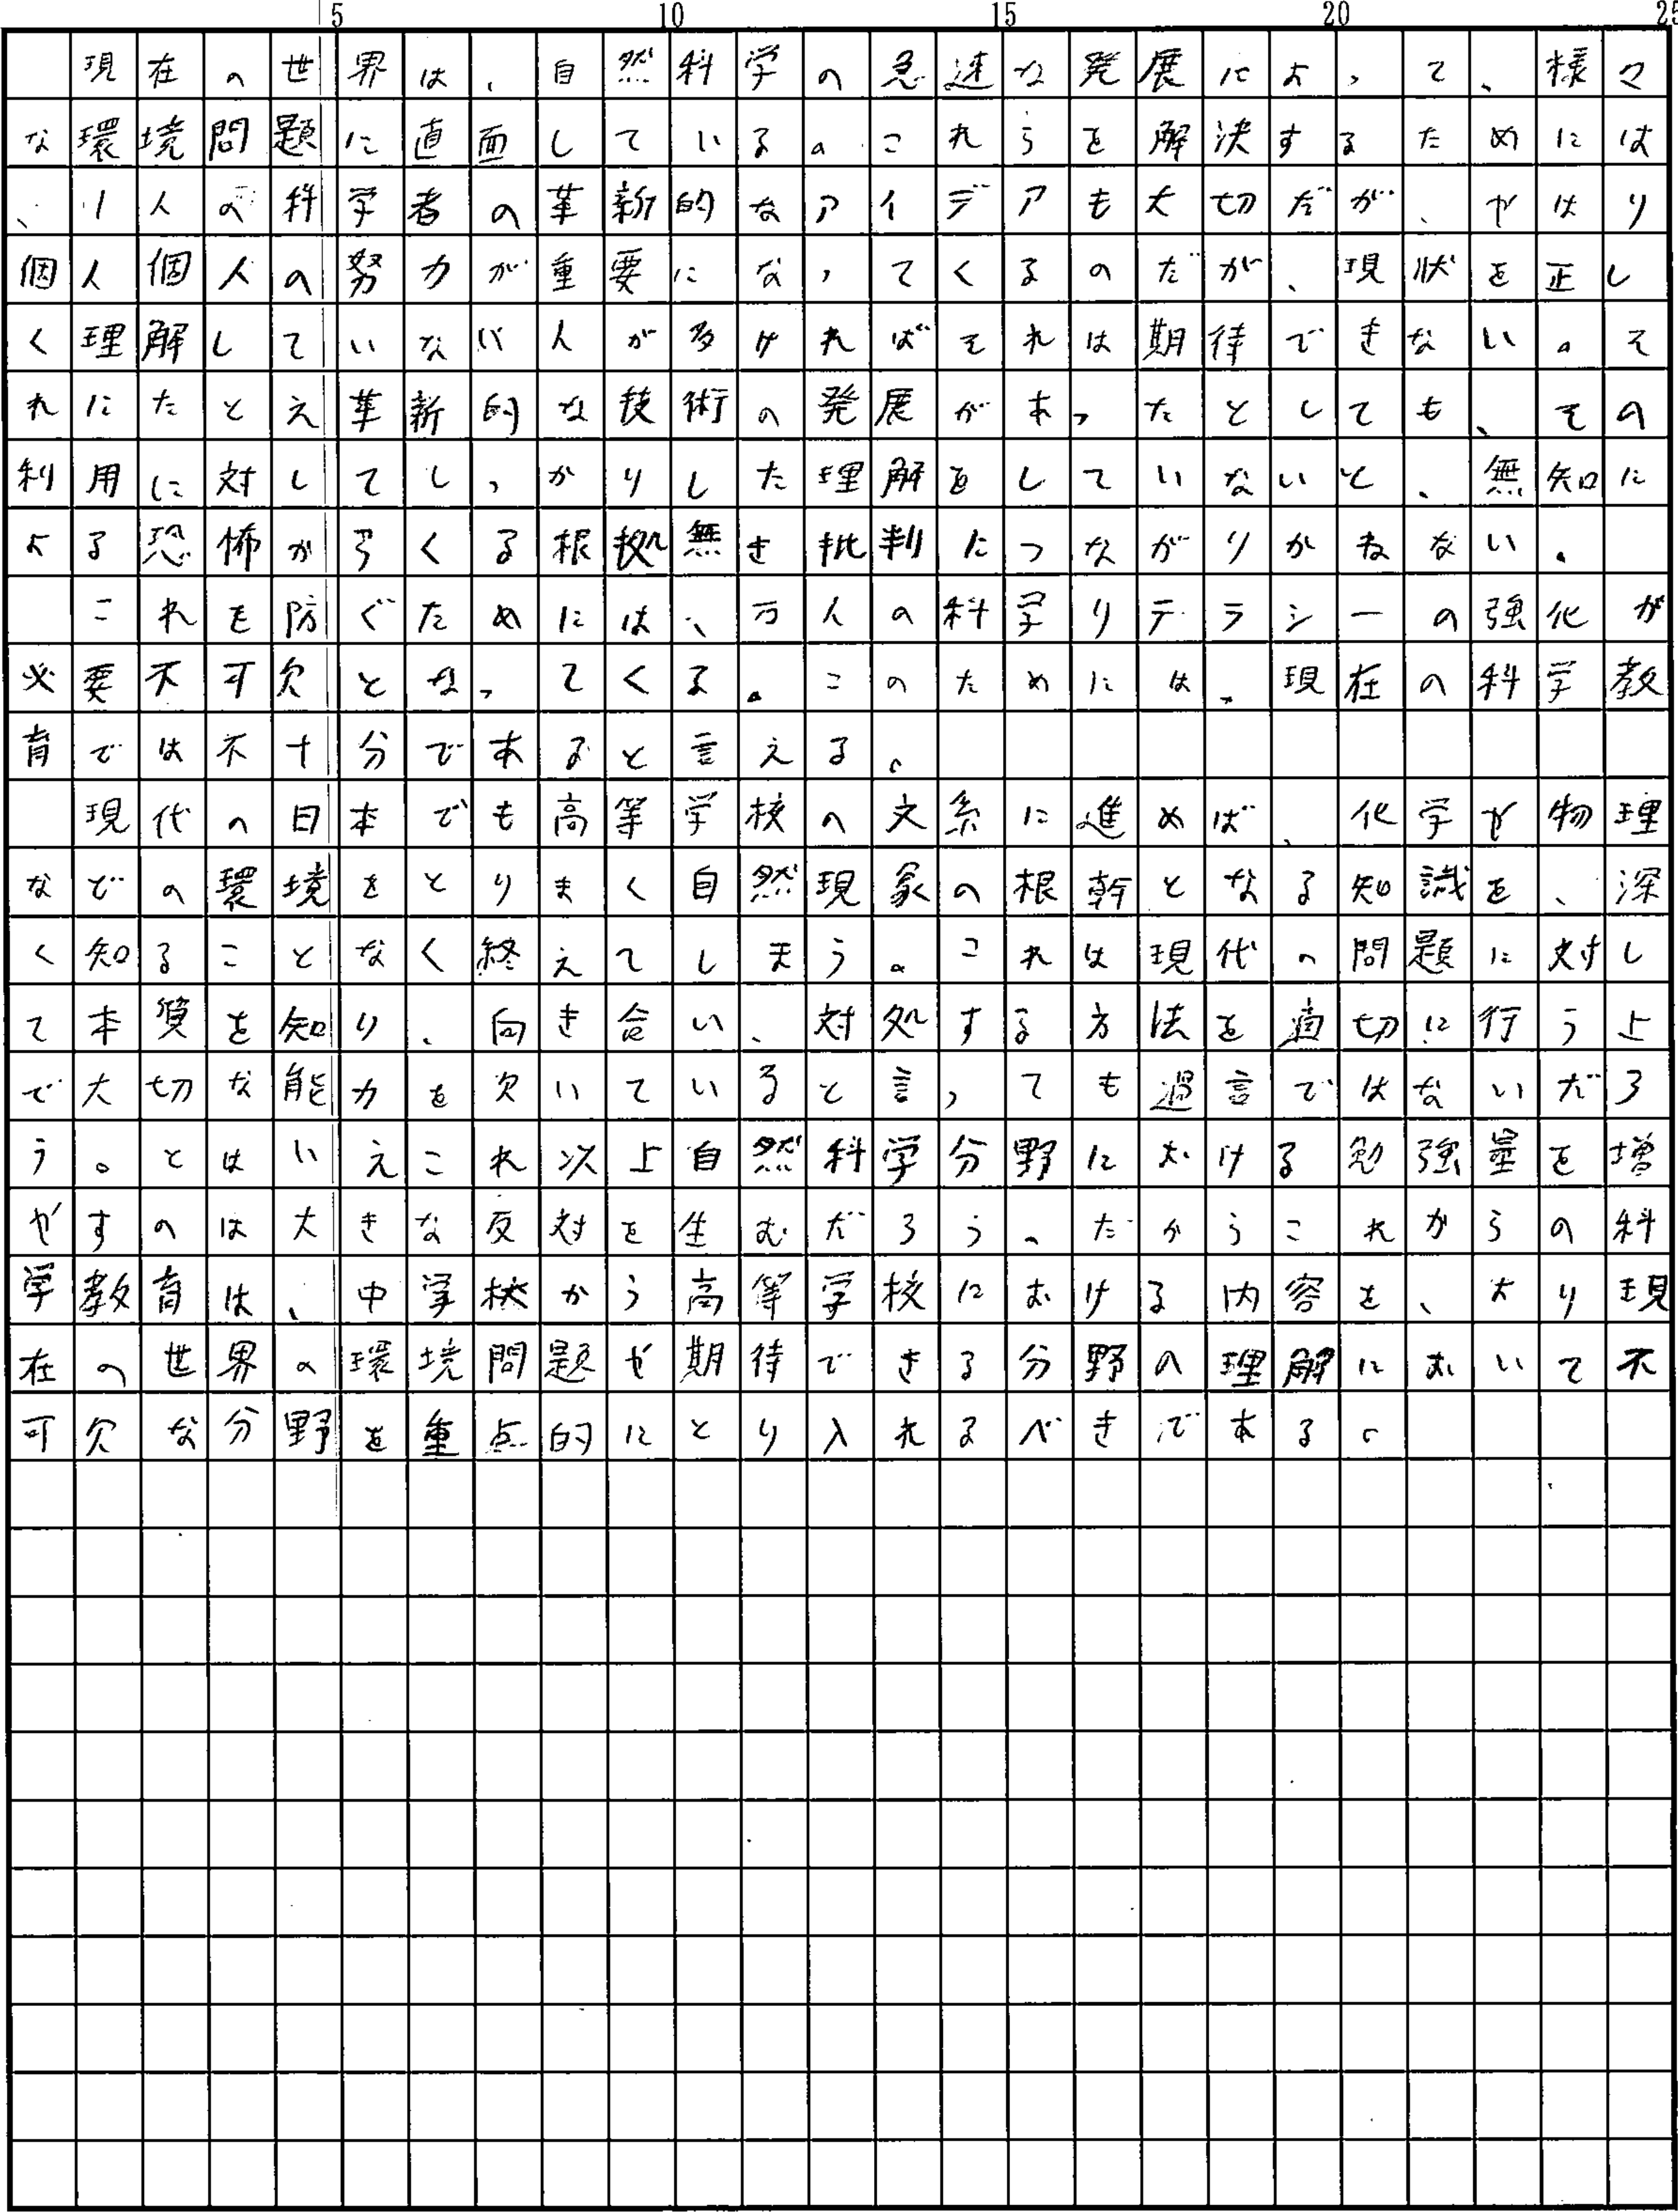　現在の世界は、自然科学の急速な発展によって、様々な環境問題に直面している。これらを解決するためには、１人の科学者の革新的なアイデアも大切だが、やはり個人個人の努力が重要になってくるのだが、現状を正しく理解していない人が多ければそれは期待できない。それにたとえ革新的な技術の発展があったとしても、その利用に対してしっかりした理解をしていないと、無知による恐怖からくる根拠無き批判につながりかねない。
　これを防ぐためには、万人の科学リテラシーの強化が必要不可欠となってくる。このためには、現在の科学教育では不十分であると言える。
　現代の日本でも高等学校の文系に進めば、化学や物理などの環境をとりまく自然現象の根幹となる知識を、深く知ることなく終えてしまう。これは現代の問題に対して本質を知り、向き合い、対処する方法を適切に行う上で大切な能力を欠いていると言っても過言ではないだろう。とはいえこれ以上自然科学分野における勉強量を増やすのは大きな反対を生むだろう。だからこれからの科学教育は、中学校から高等学校における内容を、より現在の世界の環境問題や期待できる分野の理解において不可欠な分野を重点的にとり入れるべきである。
